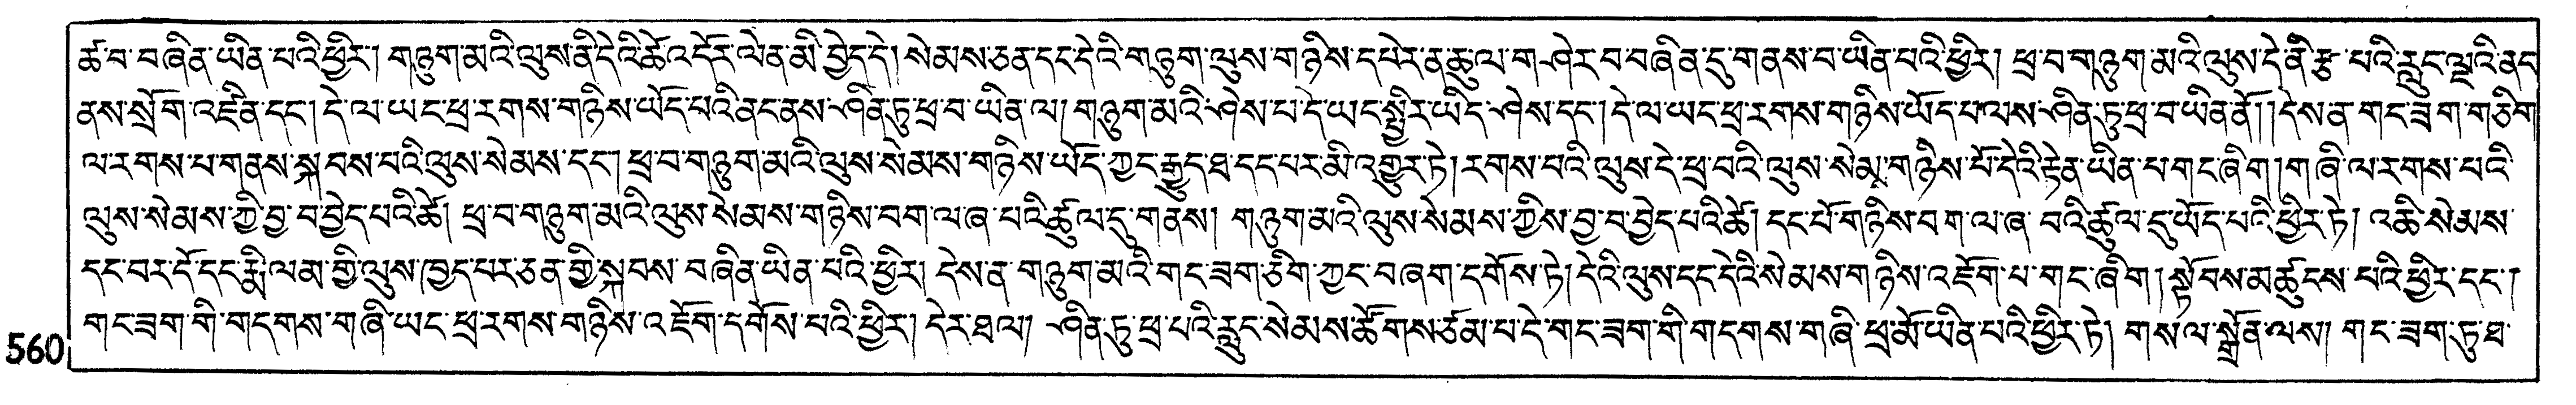ཚ་བ་བཞིན་ཡིན་པའི་ཕྱིར། གཉུག་མའི་ལུས་ནི་དེའི་ཚེ་འདོར་ལེན་མི་བྱེད་དེ། སེམས་ཅན་དང་དེའི་གཉུག་ལུས་གཉིས་དཔེར་ན་ཆུ་ལ་གཤེར་བ་བཞིན་དུ་གནས་པ་ཡིན་པའི་ཕྱིར། ཕྲ་བ་གཉུག་མའི་ལུས་དེ་ནི་རྩ་བའི་རླུང་ལྔའི་ནང་
ནས་སྲོག་འཛིན་དང་། དེ་ལ་ཡང་ཕྲ་རགས་གཉིས་ཡོད་པའི་ནང་ནས་ཤིན་ཏུ་ཕྲ་བ་ཡིན་ལ། གཉུག་མའི་ཤེས་པ་དེ་ཡང་སྤྱིར་ཡིད་ཤེས་དང་། དེ་ལ་ཡང་ཕྲ་རགས་གཉིས་ཡོད་པ་ལས་ཤིན་ཏུ་ཕྲ་བ་ཡིན་ནོ། །དེས་ན་གང་ཟག་གཅིག་
ལ་རགས་པ་གནས་སྐབས་པའི་ལུས་སེམས་དང་། ཕྲ་བ་གཉུག་མའི་ལུས་སེམས་གཉིས་ཡོད་ཀྱང་རྒྱུད་ཐ་དད་པར་མི་འགྱུར་ཏེ། རགས་པའི་ལུས་དེ་ཕྲ་བའི་ལུས་སེམས་གཉིས་པོ་དེའི་རྟེན་ཡིན་པ་གང་ཞིག །གཞི་ལ་རགས་པའི་
ལུས་སེམས་ཀྱི་བྱ་བ་བྱེད་པའི་ཚེ། ཕྲ་བ་གཉུག་མའི་ལུས་སེམས་གཉིས་བག་ལ་ཞ་པའི་ཚུལ་དུ་གནས། གཉུག་མའི་ལུས་སེམས་ཀྱིས་བྱ་བ་བྱེད་པའི་ཚེ། དང་པོ་གཉིས་བག་ལ་ཞ་བའི་ཚུལ་དུ་ཡོད་པའི་ཕྱིར་ཏེ། འཆི་སེམས་
དང་བར་དོ་དང་རྨི་ལམ་གྱི་ལུས་ཁྱད་པར་ཅན་གྱི་སྐབས་བཞིན་ཡིན་པའི་ཕྱིར། དེས་ན་གཉུག་མའི་གང་ཟག་ཅིག་ཀྱང་བཞག་དགོས་ཏེ། དེའི་ལུས་དང་དེའི་སེམས་གཉིས་འཇོག་པ་གང་ཞིག །སྟོབས་མཚུངས་པའི་ཕྱིར་དང་།
གང་ཟག་གི་གདགས་གཞི་ཡང་ཕྲ་རགས་གཉིས་འཇོག་དགོས་པའི་ཕྱིར། དེར་ཐལ། ཤིན་ཏུ་ཕྲ་བའི་རླུང་སེམས་ཚོགས་ཙམ་པ་དེ་གང་ཟག་གི་གདགས་གཞི་ཕྲ་མོ་ཡིན་པའི་ཕྱིར་ཏེ། གསལ་སྒྲོན་ལས། གང་ཟག་ཏུ་ཐ་